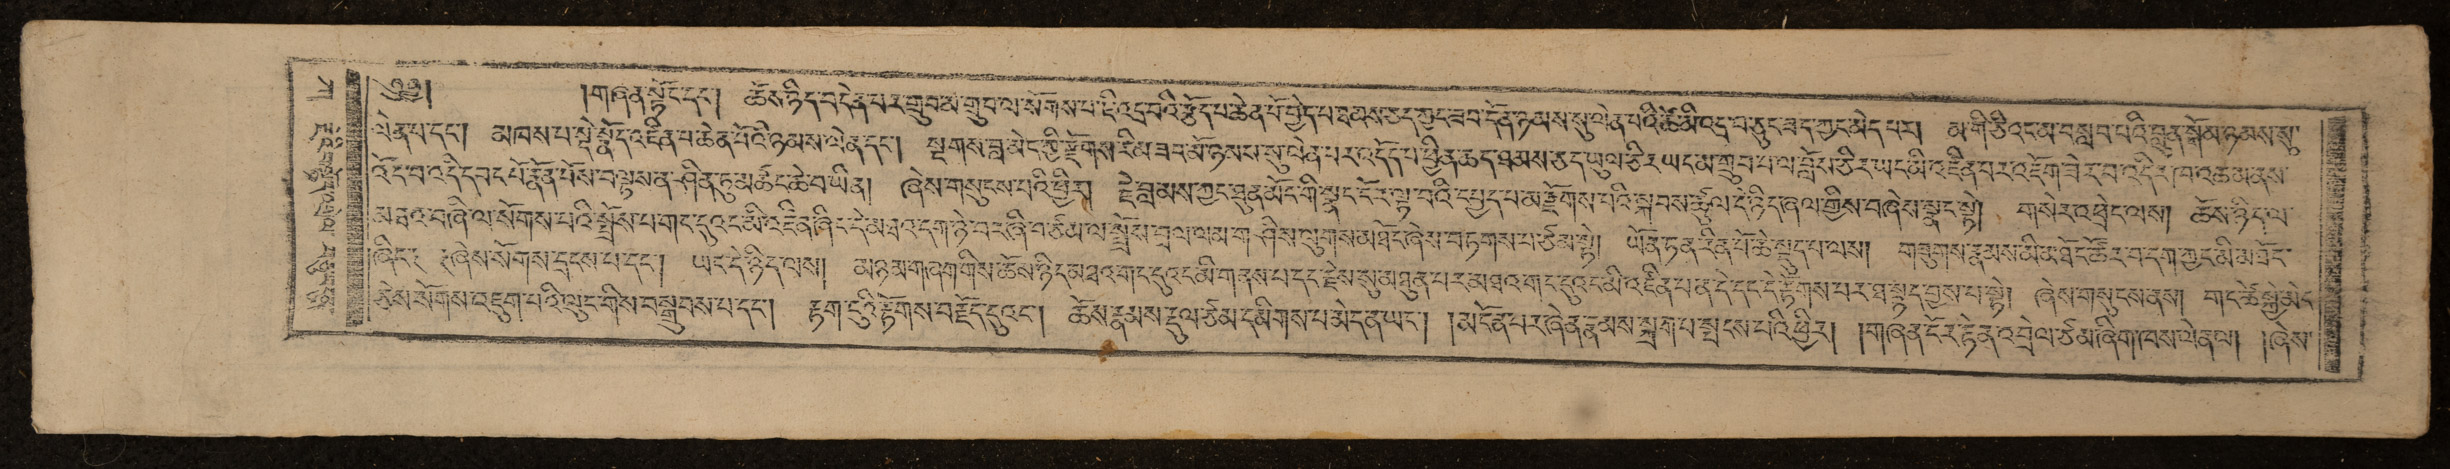༄༅། །གཞན་སྟོང་དང་། ཆོས་ཉིད་བདེན་པར་གྲུབ་མ་གྲུབ་ལ་སོགས་པ་ཇི་འདྲ་བའི་རྩོད་པ་ཆེན་པོ་བྱེད་པ་ཐམས་ཅད་ཀྱང་ཟབ་དོན་ཉམས་སུ་ལེན་པའི་ཚེ་མི་འདྲ་བ་ཅུང་ཟད་ཀྱང་མེད་པར། མ་གི་ཅི་འང་མ་བསླབ་པའི་བླུན་སྒོམ་ཉམས་སུ་
ལེན་པ་དང་། མཁས་པ་སྡེ་སྣོད་འཛིན་པ་ཆེན་པོའི་ཉམས་ལེན་དང་། སྔགས་བླ་མེད་ཀྱི་རྫོགས་རིམ་ཟབ་མོ་ཉམས་སུ་ལེན་པར་འདོད་པ་ཕྱིན་ཆད་ཐམས་ཅད་ཡུལ་ཅིར་ཡང་མ་གྲུབ་པ་ལ་བློས་ཅིར་ཡང་མི་འཛིན་པར་འཇོག་ཟེར་བ་འདིར་ཁ་འཆམ་ནས་
འོང་བ་འདི་དབང་པོ་རྣོན་པོས་བལྟས་ན་ཤིན་ཏུ་མཚང་ཆེ་བ་ཡིན། ཞེས་གསུངས་པའི་ཕྱིར། རྗེ་བླ་མས་ཀྱང་ཐུན་མོང་གི་སྣང་ངོར་ལྟ་པའི་དཔྱད་པ་མ་རྫོགས་པའི་སྐབས་ཚུལ་དེ་ཉིད་ཞལ་གྱིས་བཞེས་སྣང་སྟེ། གསེར་འཕྲེང་ལས། ཆོས་ཉིད་ལ་
མཐའ་བཞི་ལ་སོགས་པའི་སྤྲོས་པ་གང་དུའང་མི་འཛིན་ཞིང་དེ་མཐའ་དག་ཉེ་བར་ཞི་བ་ཙམ་ལ་སྤྲོས་བྲལ་ལམ་གཤིས་ལུགས་མཐོང་ཞེས་བཏགས་བ་ཙམ་སྟེ། ཡོན་ཏན་རིན་པོ་ཆེ་སྡུད་པ་ལས། གཟུགས་རྣམས་མི་མཐོང་ཚེར་བ་དག་ཀྱང་མི་མཐོང་
ཞིང༑ ༑ཞེས་སོགས་དྲངས་པ་དང་། ཡང་དེ་ཉིད་ལས། མཉམ་གཞག་གིས་ཆོས་ཉིད་མཐའ་གང་དུའང་མི་གནས་པ་དང་རྗེས་སུ་མཐུན་པར་མཐའ་གང་དུའང་མི་འཛིན་པ་ན་དེ་དང་དེ་རྟོགས་པར་ཐ་སྙད་དུ་བྱས་པ་སྟེ། ཞེས་གསུངས་ནས། གང་ཚེ་སྐྱེ་མེད་
ཅེས་སོགས་འཇུག་པའི་ལུང་གིས་བསྒྲུབས་པ་དང་། རྟག་དུའི་རྟོགས་པ་རྗོད་དུའང་། ཆོས་རྣམས་རྡུལ་ཙམ་དམིགས་པ་མེད་ན་ཡང་། །མངོན་པར་ཞེན་རྣམས་སྐྲག་པ་སྤངས་པའི་ཕྱིར། །གཞན་དོར་རྟེན་འབྲེལ་ཙམ་ཞིག་ཁས་ལེན་ལ། །ཞེས་